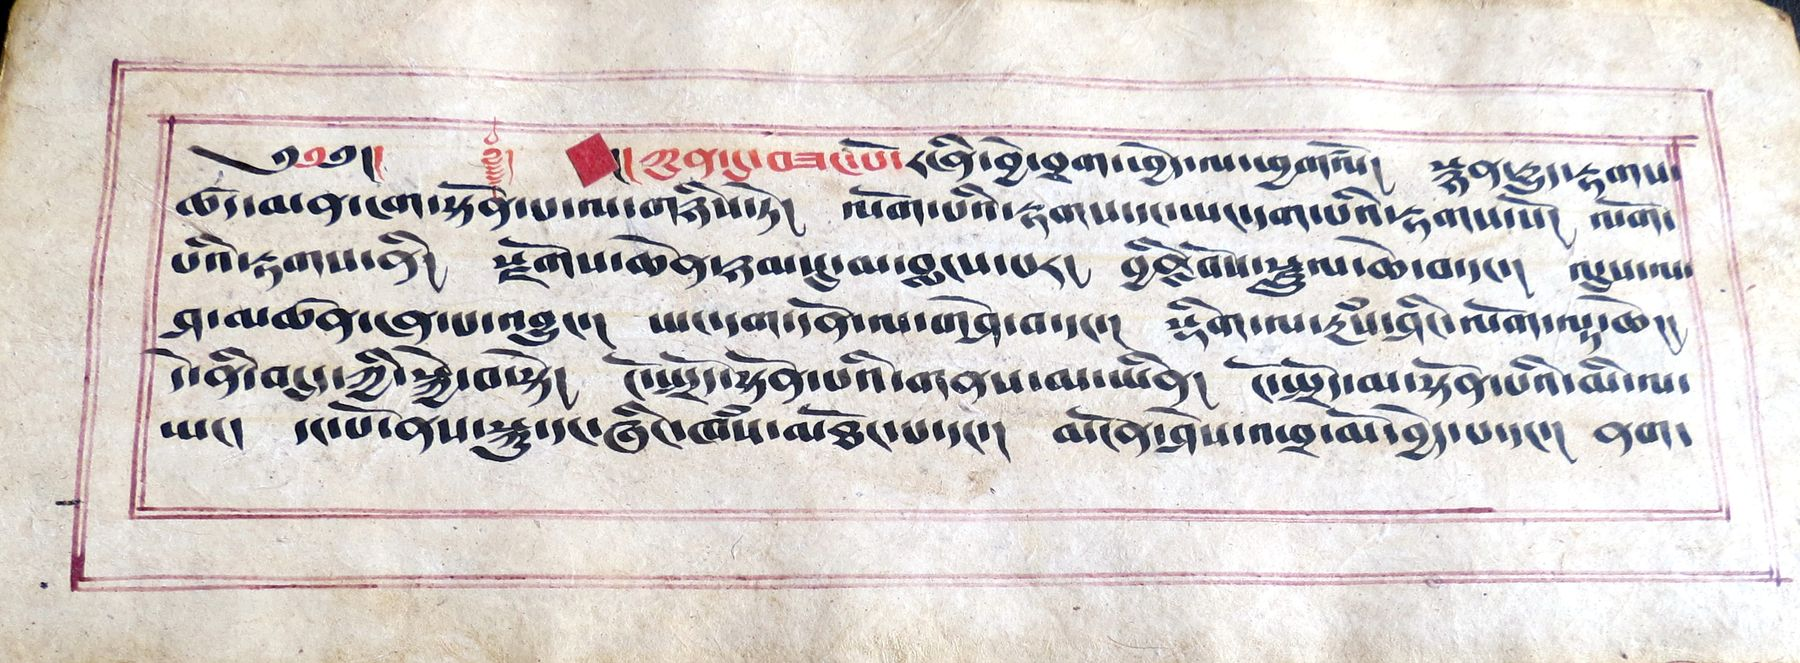༄༅། ། ། ། ཀུན་ཏུ་བཟང་པོ་རང་བཞིན་བྱེ་བྲག་ཕྱེད་ལ་ཕྱག་འཚལ་ལོ། ། སྙན་རྒྱུད་རྟགས་
ཚད་མན་ངག་སྟོན་པ་ལ་གཉིས་ཏེ། ། ལོག་པའི་རྟགས་དང་ཡང་དག་རྟགས་སོ། ། ལོག་
པའི་རྟགས་ནི། རྫོགས་ཆེན་ཉམས་སུ་མ་བླངས་པར། ། བྱིན་རླབས་རྫུ་འཕྲུལ་ཆེ་བ་དང་། ། ལུས་ལ་
ཤ་མཚན་ངན་པ་འབྱུང་། ། ཡང་དག་དོན་ལ་གཤེ་བ་དང་། ། སྡིག་ལ་རྔམས་ཤིང་ལོག་ལྟ་ཆེ། ། 
དེ་ནི་བདུད་ཀྱི་སྐྱེ་བ་སྟེ། ། ངོ་སྤྲད་སྟོན་པའི་གནས་མ་ཡིན། ངོ་སྤྲོད་མ་སྟོན་པའི་མི་ལ་
ཡང་དང་པོ་ནས། ། སྐུ་དང་ཞིང་ཁམས་མཐོང་བ་དང་། ། མངོན་ཤེས་ཕྲ་མོ་བྱེད་པ་དང་། ། ནག་